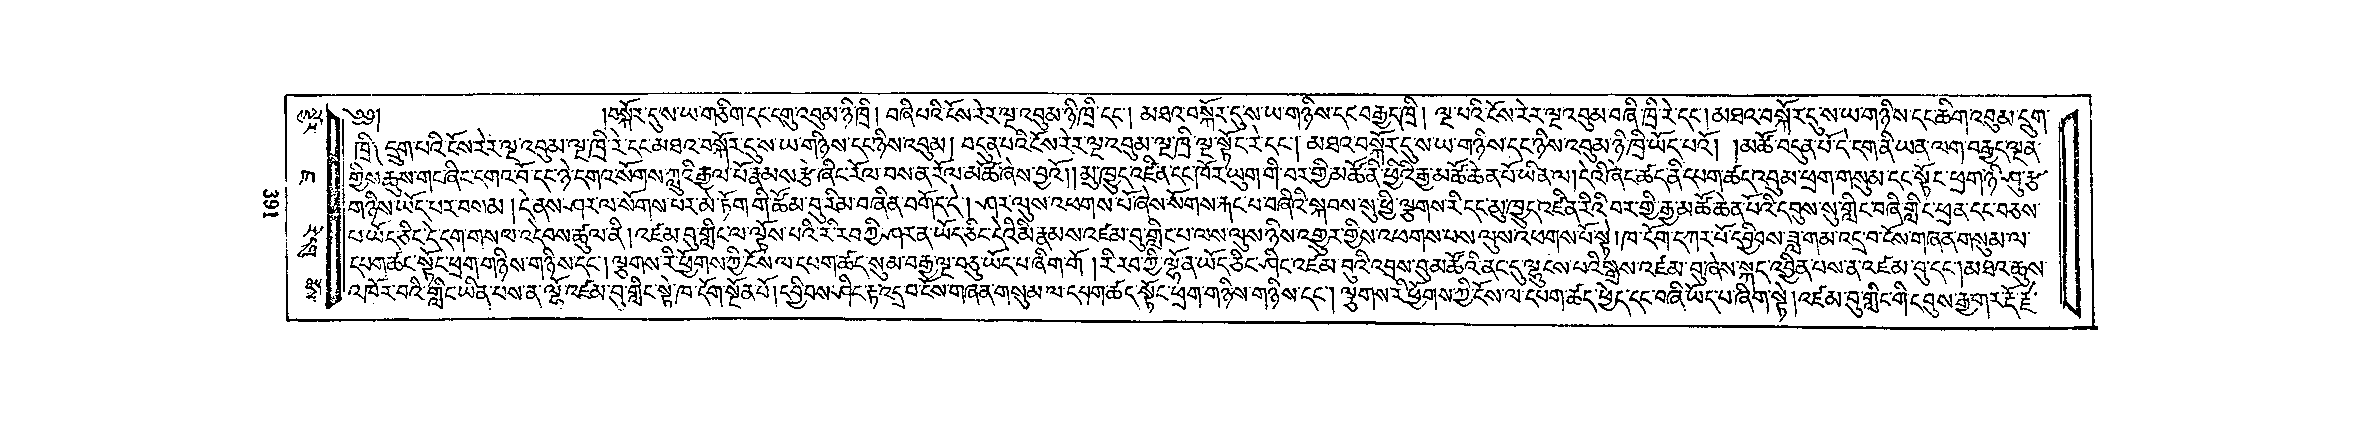༄༅། །བསྐོར་དུ་ས་ཡ་གཅིག་དང་དགུ་འབུམ་ཉི་ཁྲི། བཞི་པའི་ངོས་རེར་ལྔ་འབུམ་ཉི་ཁྲི་དང་། མཐའ་བསྐོར་དུ་ས་ཡ་གཉིས་དང་བརྒྱད་ཁྲི། ལྔ་པའི་ངོས་རེར་ལྔ་འབུམ་བཞི་ཁྲི་རེ་དང་། མཐའ་བསྐོར་དུ་ས་ཡ་གཉིས་དང་ཆིག་འབུམ་དྲུག་
ཁྲི། དྲུག་པའི་ངོས་རེར་ལྔ་འབུམ་ལྔ་ཁྲི་རེ་དང་མཐའ་བསྐོར་དུ་ས་ཡ་གཉིས་དང་ཉིས་འབུམ། བདུན་པའི་ངོས་རེར་ལྔ་འབུམ་ལྔ་ཁྲི་ལྔ་སྟོང་རེ་དང་། མཐའ་བསྐོར་དུ་ས་ཡ་གཉིས་དང་ཉིས་འབུམ་ཉི་ཁྲི་ཡོད་པའོ། །མཚོ་བདུན་པོ་དེ་དག་ནི་ཡན་ལག་བརྒྱད་ལྡན་
གྱིས་ཆུས་གང་ཞིང་དགའ་བོ་དང་ཉེ་དགའ་སོགས་ཀླུའི་རྒྱལ་པོ་རྣམས་རྩེ་ཞིང་རོལ་བས་ན་རོལ་མཚོ་ཞེས་བྱའོ། །མུ་ཁྱུད་འཛིན་དང་ཁོར་ཡུག་གི་བར་གྱི་མཚོ་ནི་ཕྱིའི་རྒྱ་མཚོ་ཆེན་པོ་ཡིན་ལ། དེའི་ཞེང་ཚད་ནི་དཔག་ཚད་འབུམ་ཕྲག་གསུམ་དང་སྟོང་ཕྲག་ཉི་ཤུ་རྩ་
གཉིས་ཡོད་པར་བསམ། དེ་ནས་ཤར་ལ་སོགས་པར་མེ་ཏོག་གི་ཚོམ་བུ་རིམ་བཞིན་བགོད་དེ། ཤར་ལུས་འཕགས་པོ་ཞེས་སོགས་རྐང་པ་བཞིའི་སྐབས་སུ་ཕྱི་ལྕགས་རི་དང་མུ་ཁྱུད་འཛིན་རིའི་བར་གྱི་རྒྱ་མཚོ་ཆེན་པོའི་དབུས་སུ་གླིང་བཞི་གླིང་ཕྲན་དང་བཅས་
པ་ཡོད་ཅིང་དེ་དག་གསལ་འདེབས་ཚུལ་ནི། འཛམ་བུ་གླིང་ལ་ལྟོས་པའི་རི་རབ་ཀྱི་ཤར་ན་ཡོད་ཅིང་དེའི་མི་རྣམས་འཛམ་བུ་གླིང་པ་ལས་ལུས་ཉིས་འགྱུར་གྱིས་འཕགས་པས་ལུས་འཕགས་པོ་སྟེ། ཁ་དོག་དཀར་པོ་དབྱིབས་ཟླ་གམ་འདྲ་བ་ངོས་གཞན་གསུམ་ལ་
དཔག་ཚད་སྟོང་ཕྲག་གཉིས་གཉིས་དང་། ལྕགས་རི་ཕྱོགས་ཀྱི་ངོས་ལ་དཔག་ཚད་སུམ་བརྒྱ་ལྔ་བཅུ་ཡོད་པ་ཞིག་གོ །རི་རབ་ཀྱི་ལྷོ་ན་ཡོད་ཅིང་ཤིང་འཛམ་བུའི་འབྲས་བུ་མཚོའི་ནང་དུ་ལྷུངས་པའི་སྒྲས་འཛམ་བུ་ཞེས་སྐད་འབྱིན་པས་ན་འཛམ་བུ་དང་། མཐའ་ཆུས་
འཁོར་བའི་གླིང་ཡིན་པས་ན་ལྷོ་འཛམ་བུ་གླིང་སྟེ་ཁ་དོག་སྔོན་པོ། དབྱིབས་ཤིང་རྟ་འདྲ་བ་ངོས་གཞན་གསུམ་ལ་དཔག་ཚད་སྟོང་ཕྲག་གཉིས་གཉིས་དང་། ལྕགས་རི་ཕྱོགས་ཀྱི་ངོས་ལ་དཔག་ཚད་ཕྱེད་དང་བཞི་ཡོད་པ་ཞིག་སྟེ། འཛམ་བུ་གླིང་གི་དབུས་རྒྱ་གར་རྡོ་རྗེ་